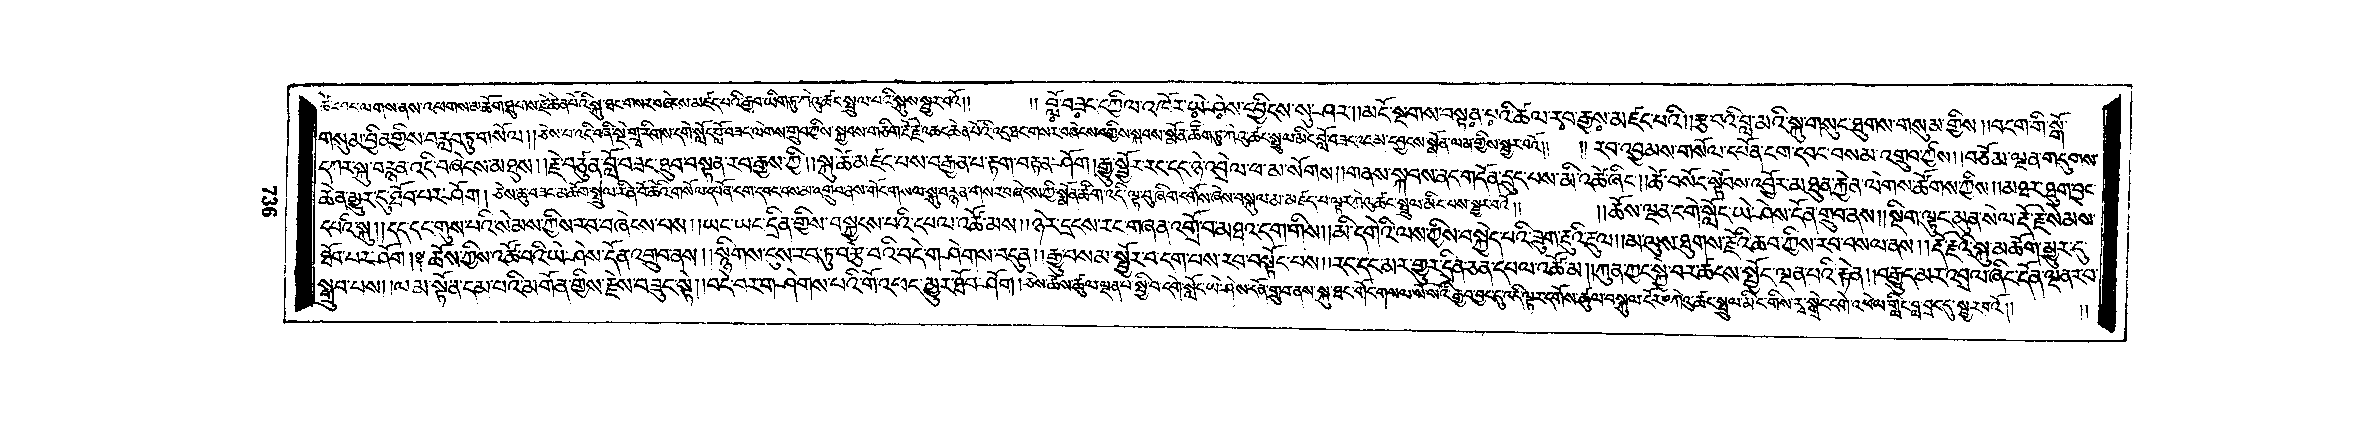ཚེ་དབང་ལགས་ནས་འཕགས་མཆོག་ཐུགས་རྗེ་ཆེན་པོའི་སྐུ་ཐང་གསར་བཞེངས་མཛད་པའི་རྒྱབ་ཡིག་ཏུ་ཀེའུ་ཚང་སྤྲུལ་པའི་སྐུས་སྦྱར་བའོ།། །།བློ་བཟང་དཀྱིལ་འཁོར་ཡེ་ཤེས་དབྱིངས་སུ་ཤར། །མདོ་སྔགས་བསྟན་པའི་ཚལ་རབ་རྒྱས་མཛད་པའི། །རྩ་བའི་བླ་མའི་སྐུ་གསུང་ཐུགས་གསུམ་གྱིས། །བདག་གི་སྒོ་
གསུམ་བྱིན་གྱིས་བརླབ་ཏུ་གསོལ། །ཅེས་པ་འདི་བཞི་སྡེ་གྲྭ་རིགས་དགེ་སློང་བློ་བཟང་ལེགས་གྲུབ་ཀྱིས་སྐྱབས་གཅིག་རྡོ་རྗེ་འཆང་ཆེན་པོའི་འདྲ་ཐང་གསར་བཞེངས་བགྱིས་སྐབས་སྨོན་ཚིག་ཏུ་ཀེའུ་ཚང་སྤྲུལ་མིང་བློ་བཟང་འཇམ་དབྱངས་སྨོན་ལམ་གྱིས་སྦྱར་བའོ།། །།རབ་འབྱམས་གསོལ་དཔོན་ངག་དབང་བསམ་འགྲུབ་ཀྱིས། །བཅོམ་ལྡན་གདུགས་
དཀར་སྐུ་བརྙན་འདི་བཞེངས་མཐུས། །རྗེ་བཙུན་བློ་བཟང་ཐུབ་བསྟན་རབ་རྒྱས་ཀྱི། །སྐུ་ཚེ་མཛད་པས་བརྒྱན་པ་རྟག་བརྟན་ཤོག །རྒྱུ་སྦྱོར་རང་དང་ཉེ་འབྲེལ་ཕ་མ་སོགས། །གནས་སྐབས་ནད་གདོན་དྲུད་པས་མི་འཚེ་ཞིང་། །ཚེ་བསོད་སྟོབས་འབྱོར་མཐུན་རྐྱེན་ལེགས་ཚོགས་ཀྱིས། །མཐར་ཐུག་བྱང་
ཆེན་མྱུར་དུ་ཐོབ་པར་ཤོག །ཅེས་ཆུ་བཟང་མཆོག་སྤྲུལ་རིན་པོ་ཆེའི་གསོལ་དཔོན་ངག་དབང་བསམ་འགྲུབ་ནས་གོང་གསལ་སྐུ་བརྙན་གསར་བཞེངས་ཀྱི་སྨོན་ཚིག་འདི་ལྟ་བུ་ཞིག་དགོས་ཞེས་བསྐུལ་མ་མཛད་པ་ལྟར་ཀེའུ་ཚང་སྤྲུལ་མིང་པས་སྦྱར་བའོ།། །།ཆོས་ལྡན་དགེ་སློང་ཡེ་ཤེས་དོན་གྲུབ་ནས། །སྡིག་ལྟུང་མུན་སེལ་རྡོ་རྗེ་སེམས་
དཔའི་སྐུ། །དད་དང་གུས་པའི་སེམས་ཀྱིས་རབ་བཞེངས་པས། །ཡང་ཡང་དྲིན་གྱིས་བསྐྱངས་པའི་དཔལ་འཚོ་མས། །ཉེར་དྲངས་རང་གཞན་འགྲོ་བ་མཐའ་དག་གིས། །མི་དགེའི་ལས་ཀྱིས་བསྐྱེད་པའི་ཟུག་རྡུའི་རྡུལ། །མ་ལུས་ཐུགས་རྗེའི་ཆབ་ཀྱིས་རབ་བསལ་ནས། །རྡོ་རྗེའི་སྐུ་མཆོག་མྱུར་དུ་
ཐོབ་པར་ཤོག །༈ཆོས་ཀྱིས་འཚོ་བའི་ཡེ་ཤེས་དོན་འགྲུབ་ནས། །སྙིགས་དུས་རབ་ཏུ་བརྩེ་བའི་བདེ་གཤེགས་བདུན། །རྒྱུ་བསམ་སྦྱོར་བ་དག་པས་རབ་བསྟོང་པས། །རང་དང་མར་གྱུར་དྲིན་ཅན་དཔལ་འཚོ་མ། །ཀུན་ཀྱང་སྐྱེ་བར་ཚངས་སྤྱོད་ལྡན་པའི་རྟེན། །བརྒྱུད་མར་འབྲལ་ཞིང་དོན་ལྡན་རབ་
སྒྲུབ་པས། །ལམ་སྟོན་དམ་པའི་མགོན་གྱིས་རྗེས་བཟུང་སྟེ། །བདེ་བར་གཤེགས་པའི་གོ་འཕང་མྱུར་ཐོབ་ཤོག །ཅེས་ཆོས་ཚུལ་ལྡན་པ་སྤྱི་བ་དགེ་སློང་ཡེ་ཤེས་དོན་གྲུབ་ནས་སྐུ་ཐང་གོང་གསལ་སོ་སོའི་རྒྱབ་བྱང་དུ་འདི་ལྟར་དགོས་ཚུལ་བསྐུལ་ངོར ༧་ཀེའུ་ཚང་སྤྲུལ་མིང་གིས་རྭ་སྒྲེང་དགེ་འཕེལ་གླིང་བླ་བྲང་དུ་སྦྱར་བའོ།། །།